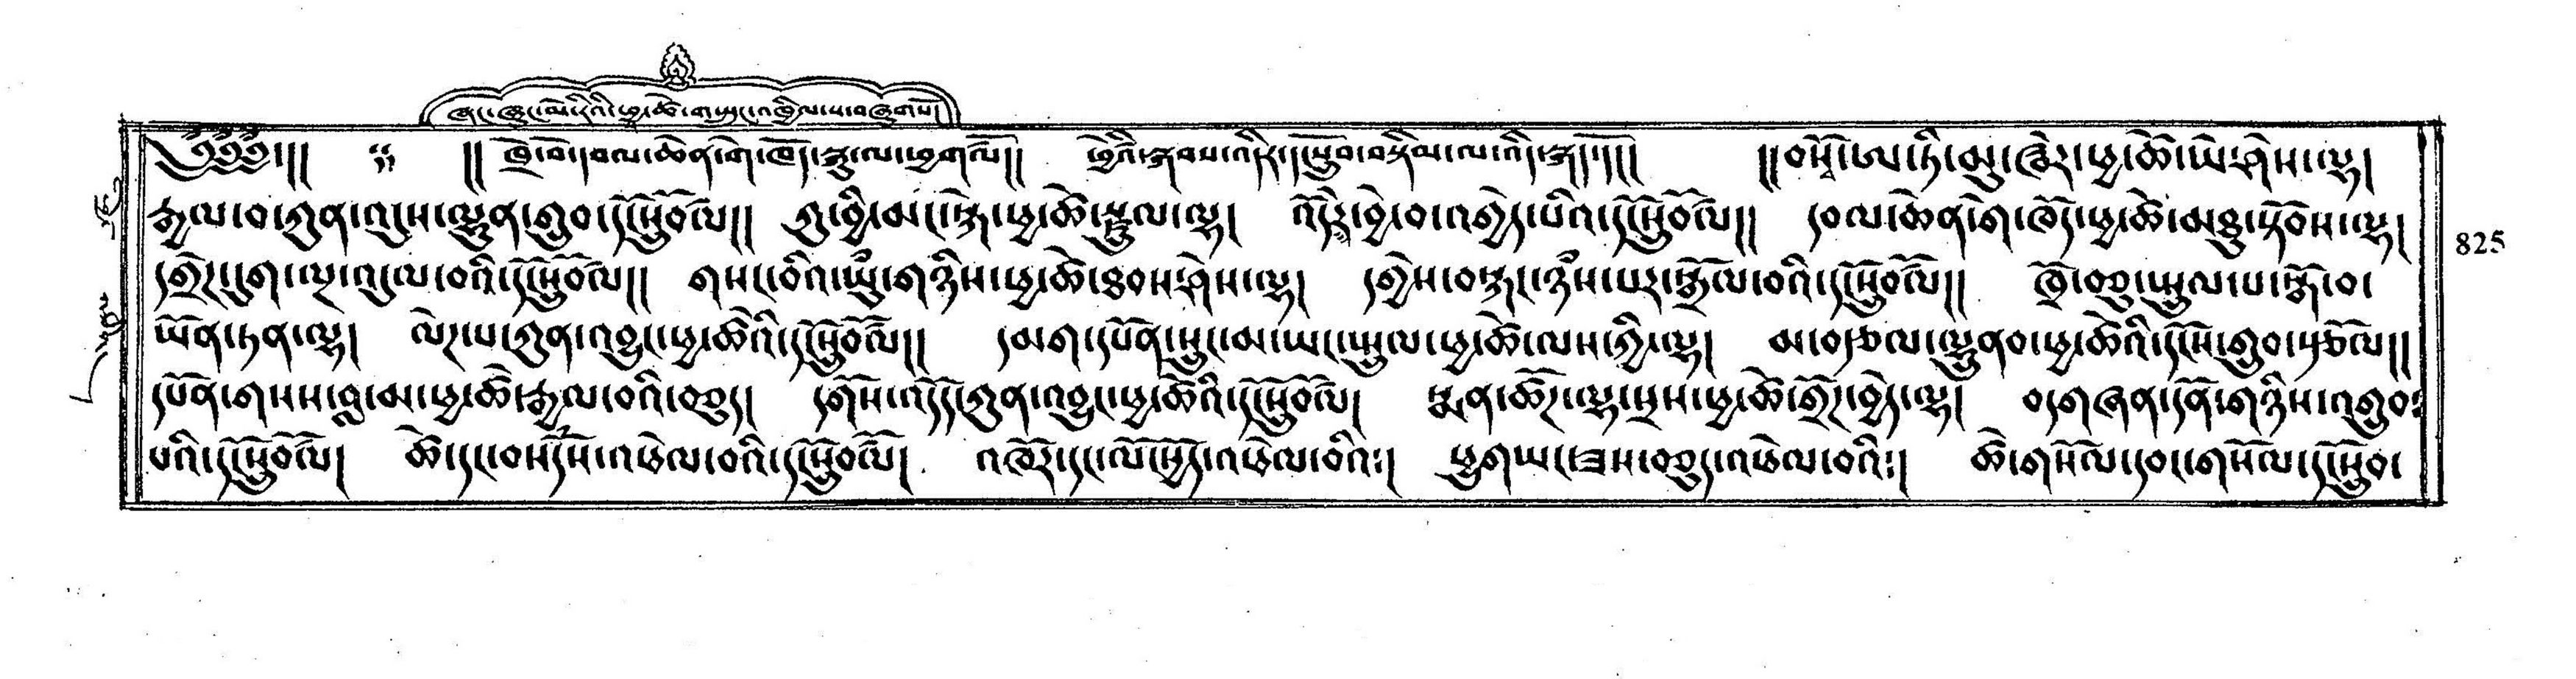ཞང་ཞུང་མེ་རིའི་ཕྱྭ་ཚེ་གཡུང་དྲུང་འཁྱིལ་པ་བཞུགས་སོ།༄༅༅།། །།ཁྲོ་བོ་དབལ་ཆེན་གེ་ཁོད་སྐུ་ལ་ཕྱག་འཚལ་ལོ།། ཕྱ་ཚེའི་སྐབས་འདིར་དངོས་གྲུབ་བསྟིམ་ལ་འདི་སྐད་དོ། །།བསྭོ་ཨ་ཏི་མུ་ཝེར་ཕྱ་ཚེ་ཡེ་ཤེས་ལྷ། 
རྒྱལ་བ་ཀུན་འདུས་ལྷུན་གྲུབ་དངོས་གྲུབ་སྩོལ། ཀུ་བྱི་མང་སྐེ་ཕྱ་ཚེ་རྫུ་འཕྲུལ་ལྷ། འོད་ཟེར་བྱེ་བ་འགྱེད་པའི་དངོས་གྲུབ་སྩོལ།། དབལ་ཆེན་གེ་ཁོད་ཕྱ་ཚེ་མཐུ་སྟོབས་ལྷ། 
དགྲ་བགེགས་དུག་ལྔ་འདུལ་བའི་དངོས་གྲུབ་སྩོལ།། གསང་བའི་ཡུམ་གཉིས་ཕྱ་ཚེ་ཐབས་ཤེས་ལྷ། དགྱེས་བསྐང་ཉམས་པར་སྒྲོལ་བའི་དངོས་གྲུབ་སྩོལ།། ཁྲོ་བཅུ་སྤྲུལ་པ་སྒོ་བ་
ཡོན་ཏན་ལྷ། ལེགས་པ་ཀུན་འབྱུང་ཕྱ་ཚེའི་དངོས་གྲུབ་སྩོལ།། དམག་དཔོན་སྲུང་མ་ཡང་སྤྲུལ་ཕྱ་ཚེ་ལས་ཀྱི་ལྷ། མ་བརྩལ་ལྷུན་གྲུབ་ཕྱ་ཚེའི་དངོས་གྲུབ་སྩོལ།། 
དཔོན་གསས་བླ་མ་ཕྱ་ཚེ་རྒྱལ་བའི་བཅུད། དགོས་འདོད་ཀུན་འབྱུང་ཕྱ་ཚེའི་དངོས་གྲུབ་སྩོལ། སྨན་ཚོགས་ལྷ་སྲས་ཕྱ་ཚེ་གྲོགས་བྱེད་ལྷ། བདག་གཞན་དོན་གཉིས་འགྲུབ་
པའི་དངོས་གྲུབ་སྩོལ། ཚེ་དང་བསོད་ནམས་འཕེལ་བའི་དངོས་གྲུབ་སྩོལ། འཁོར་དང་ལོངས་སྤྱོད་འཕེལ་བའི༴། ཕྱུག་གཡང་ཟས་བཅུད་འཕེལ་བའི༴། ཚེ་གསོལ་དབང་གསོལ་དངོས་གྲུབ་